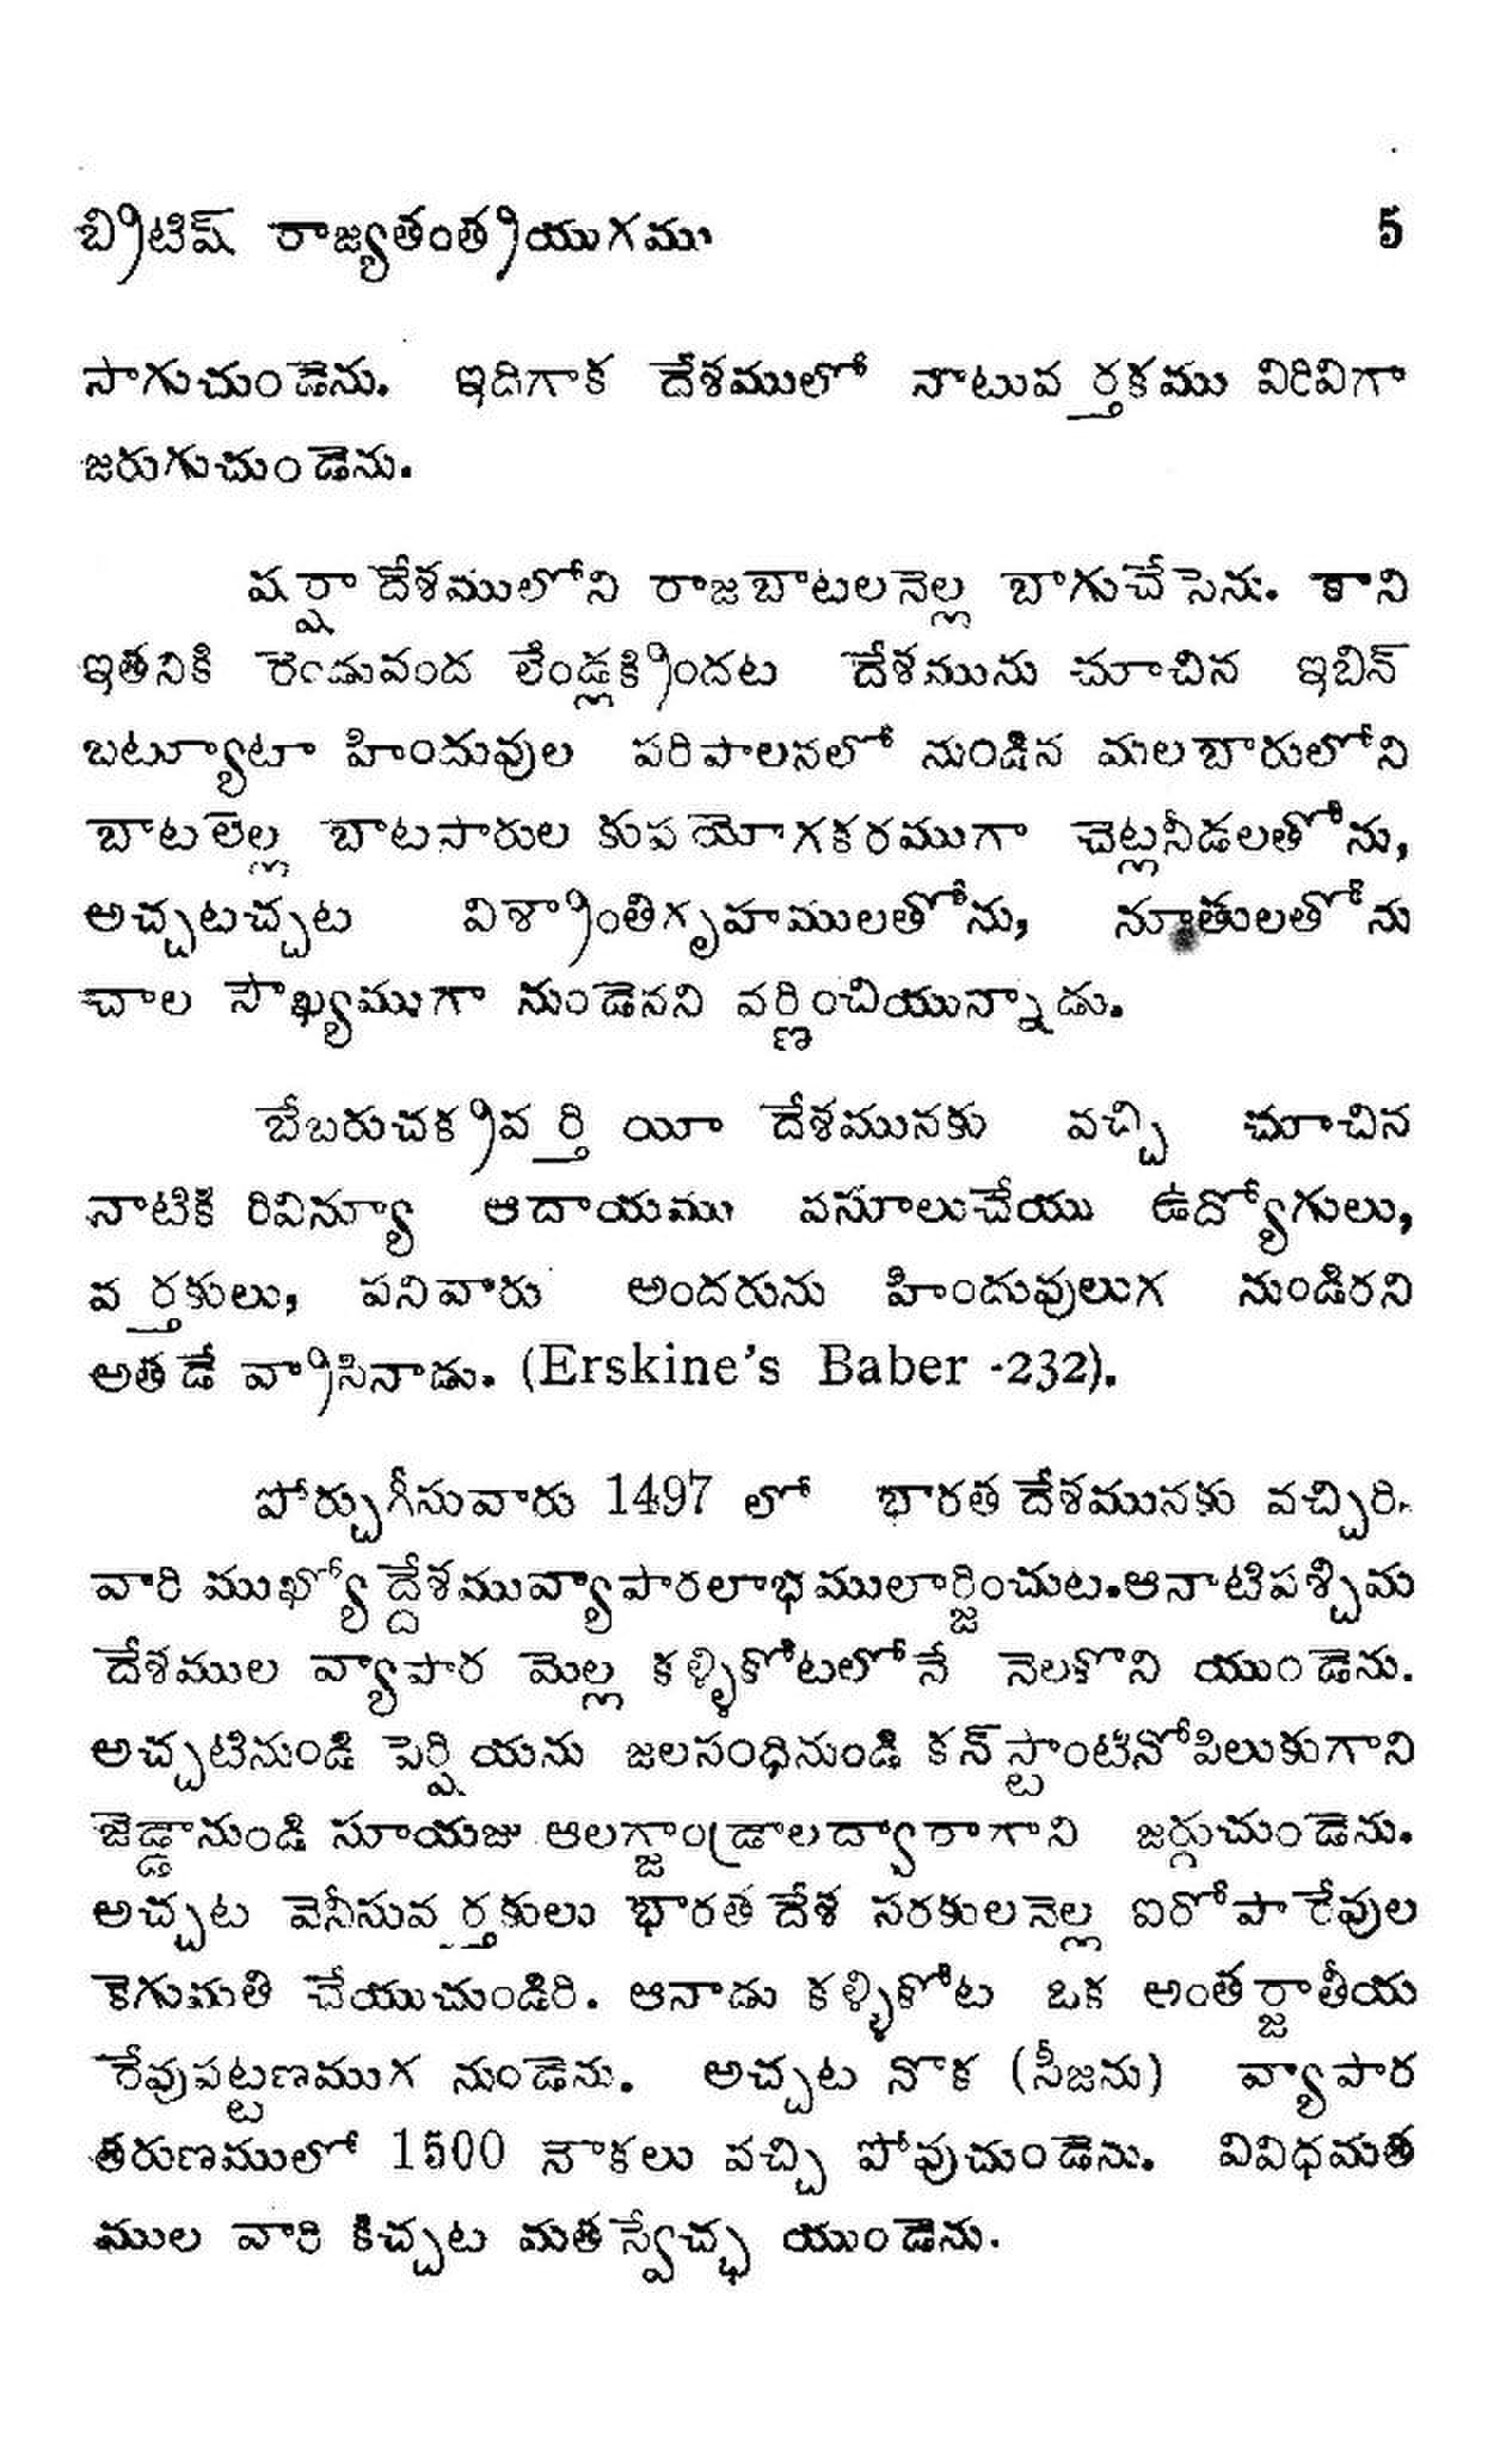సాగుచుండెను. ఇదిగాక దేశములో నాటువర్తకము విరివిగా జరుగుచుండెను.

షర్షా దేశములోని రాజబాటలనెల్ల బాగుచేసెను. కాని ఇతనికి రెండువంద లేండ్లక్రిందట దేశమును చూచిన ఇబిన్ బట్యూటా హిందువుల పరిపాలనలో నుండిన మలబారులోని బాటలెల్ల బాటసారుల కుపయోగకరముగా చెట్లనీడలతోను, అచ్చటచ్చట విశ్రాంతిగృహములతోను, నూతులతోను చాల సౌఖ్యముగా నుండెనని వర్ణించి యున్నాడు.

బేబరుచక్రవర్తి యీ దేశమునకు వచ్చి చూచిన నాటికి రివిన్యూ ఆదాయము వసూలు చేయు ఉద్యోగులు, వర్తకులు, పనివారు అందరును హిందువులుగ నుండిరని అతడే వ్రాసినాడు. (Erskine's Baber -232).

పోర్చుగీసువారు 1497 లో భారతదేశమునకు వచ్చిరి. వారి ముఖ్యోద్దేశమువ్యాపారలాభములార్జించుట. ఆనాటిపశ్చిమ దేశముల వ్యాపార మెల్ల కళ్ళికోటలోనే నెలకొని యుండెను. అచ్చటినుండి పెర్షియను జలసంధినుండి కన్‌స్టాంటినోపిలుకుగాని జెడ్డానుండి సూయజు ఆలగ్జాండ్రాలద్వారాగాని జర్గుచుండెను. అచ్చట వెనీసువర్తకులు భారతదేశ సరకులనెల్ల ఐరోపారేవుల కెగుమతి చేయుచుండిరి. ఆనాడు కళ్ళికోట ఒక అంతర్జాతీయ రేవుపట్టణముగ నుండెను. అచ్చట నొక (సీజను) వ్యాపార తరుణములో 1500 నౌకలు వచ్చి పోవుచుండెను. వివిధమతముల వారి కిచ్చట మతస్వేచ్ఛ యుండెను.